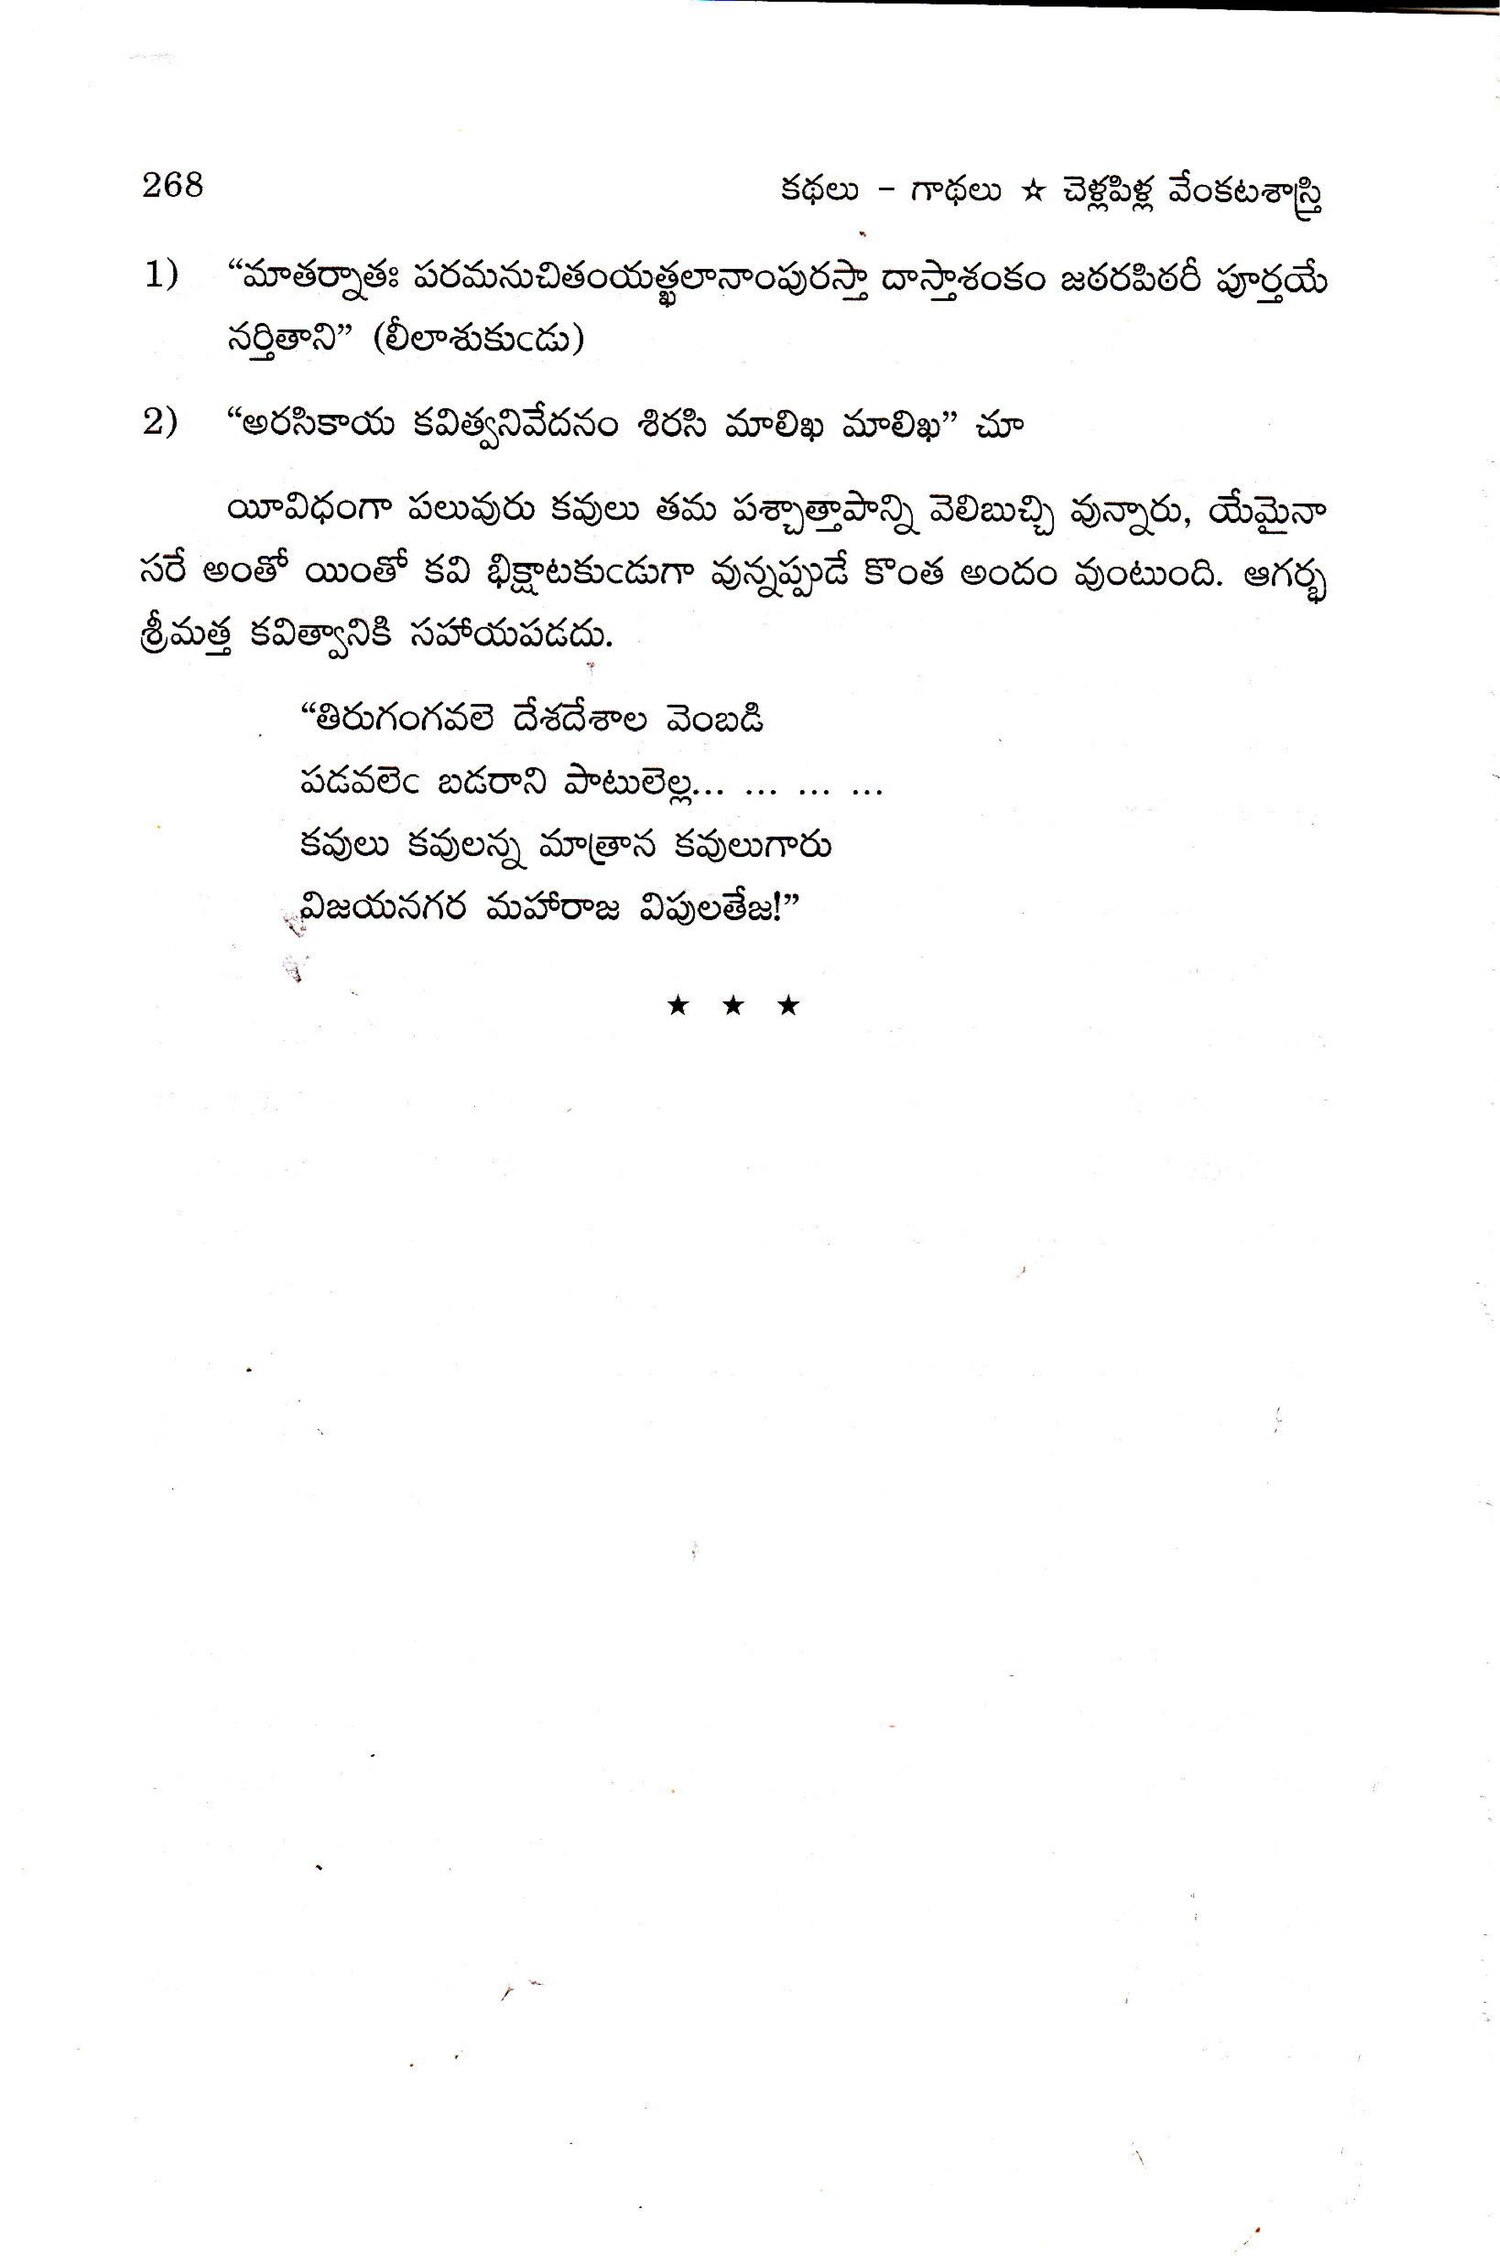1) "మాతర్నాతః పరమనుచితంయత్ఖలానాంపురస్తా దాస్తాశంకం జఠరపిఠరీ పూర్తయే నర్తితాని” (లీలాశుకుఁడు)

2) “అరసికాయ కవిత్వనివేదనం శిరసి మాలిఖ మాలిఖ" చూ

యీవిధంగా పలువురు కవులు తమ పశ్చాత్తాపాన్ని వెలిబుచ్చి వున్నారు, యేమైనా సరే అంతో యింతో కవి భిక్షాటకుఁడుగా వున్నప్పుడే కొంత అందం వుంటుంది. ఆగర్భ శ్రీమత్త కవిత్వానికి సహాయపడదు.

“తిరుగంగవలె దేశదేశాల వెంబడి
 పడవలెఁ బడరాని పాటులెల్ల... ... ... ...
 కవులు కవులన్న మాత్రాన కవులుగారు 
 విజయనగర మహారాజ విపులతేజ!"